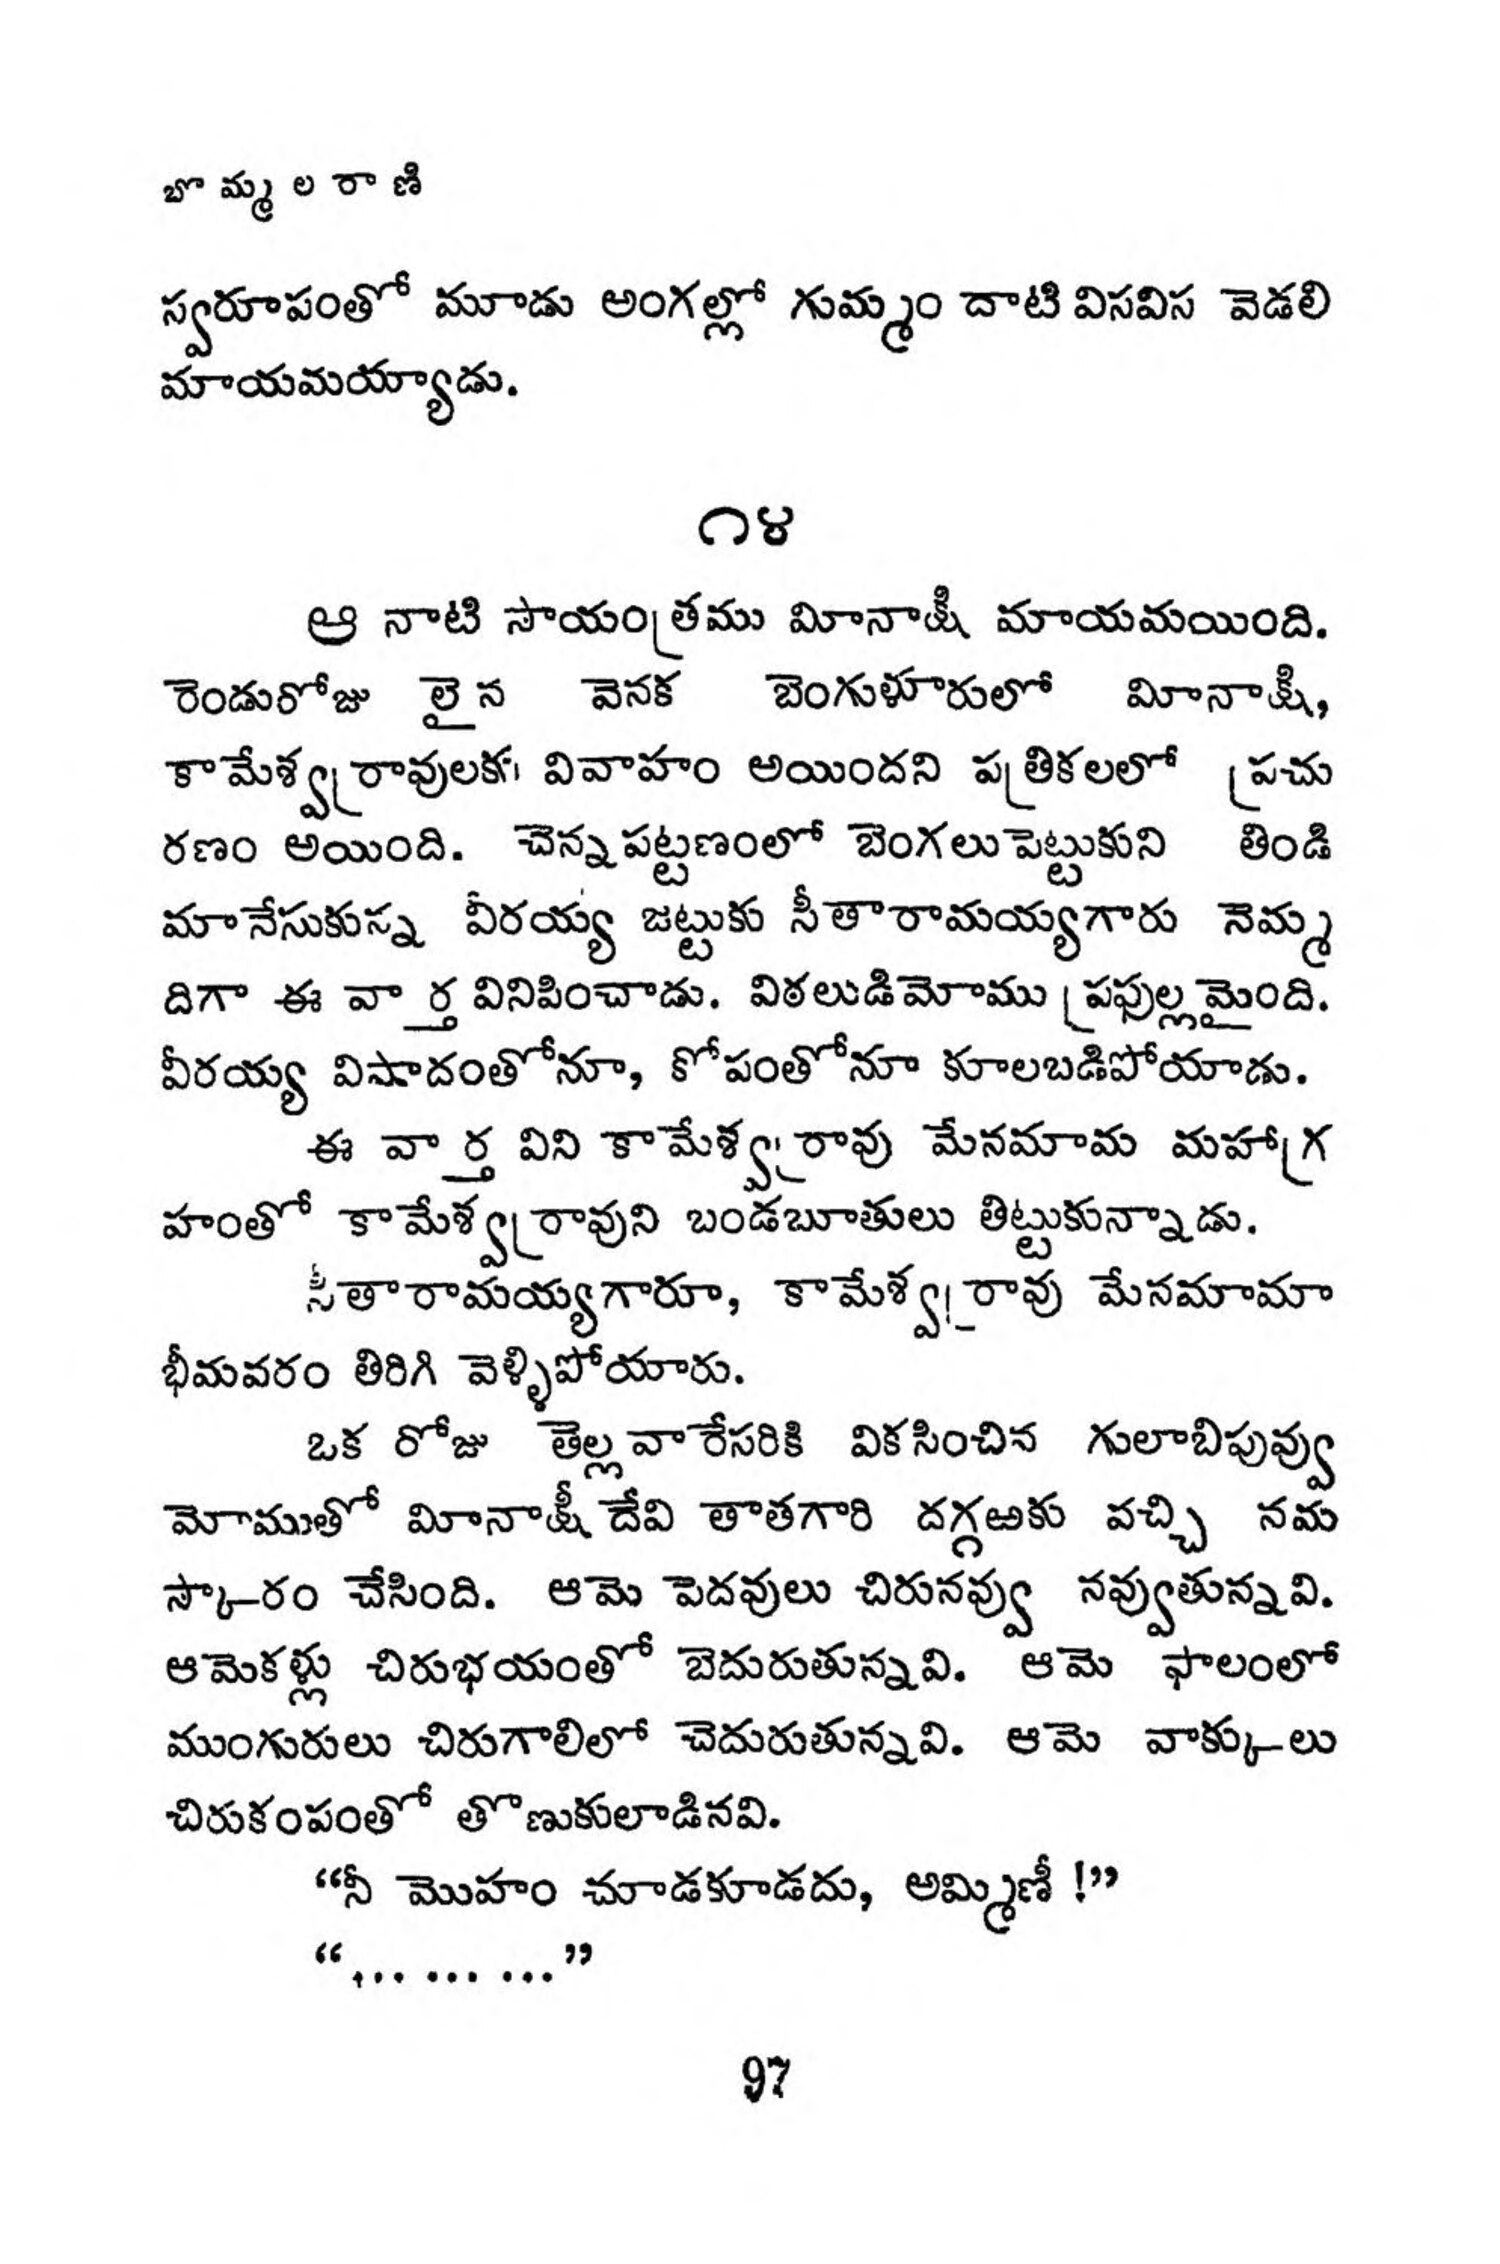స్వరూపంతో మూడు అంగల్లో గుమ్మం దాటి విసవిస వెడలి మాయమయ్యాడు.

14
ఆ నాటి సాయంత్రం మీనాక్షి మాయమయింది. రెండురోజు లైన వెనక బెంగుళూరులో మీనాక్షి, కామేశ్వర్రావులకు వివాహం అయిందని పత్రికలలో ప్రచురణం అయింది. చెన్నపట్టణంలో బెంగలుపెట్టుకుని తిండి మానేసుకున్న వీరయ్య జట్టుకు సీతారామయ్యగారు నెమ్మదిగా ఈ వార్త వినిపించాడు. విఠలుడిమోము ప్రపుల్లమైంది. వీరయ్య విషాదంతోనూ, కోపంతోనూ కూలబడిపోయాడు.

ఈ వార్త విని కామేశ్వర్రావు మేనమామ మహాగ్రహంతో కామేశ్వర్రావుని బండబూతులు తిట్టుకున్నాడు.

సీతారామయ్యగారూ, కామేశ్వర్రావు మేనమామా భీమవరం తిరిగి వెళ్ళిపోయారు.

ఒక రోజు తెల్లవారేసరికి వికసించిన గులాబిపువ్వు మోముతో మీనాక్షీదేవి తాతగారి దగ్గఱకు వచ్చి నమస్కారం చేసింది. ఆమె పెదవులు చిరునవ్వు నవ్వుతున్నవి. ఆమెకళ్లు చిరుభయంతో బెదరుతున్నవి. ఆమె ఫాలంలో ముంగురులు చిరుగాలిలో చెదురుతున్నవి. ఆమె వాక్కులు చిరుకంపంతో తొణుకులాడినవి.

"నీ మొహం చూడకూడదు, అమ్మిణీ!"

"............"